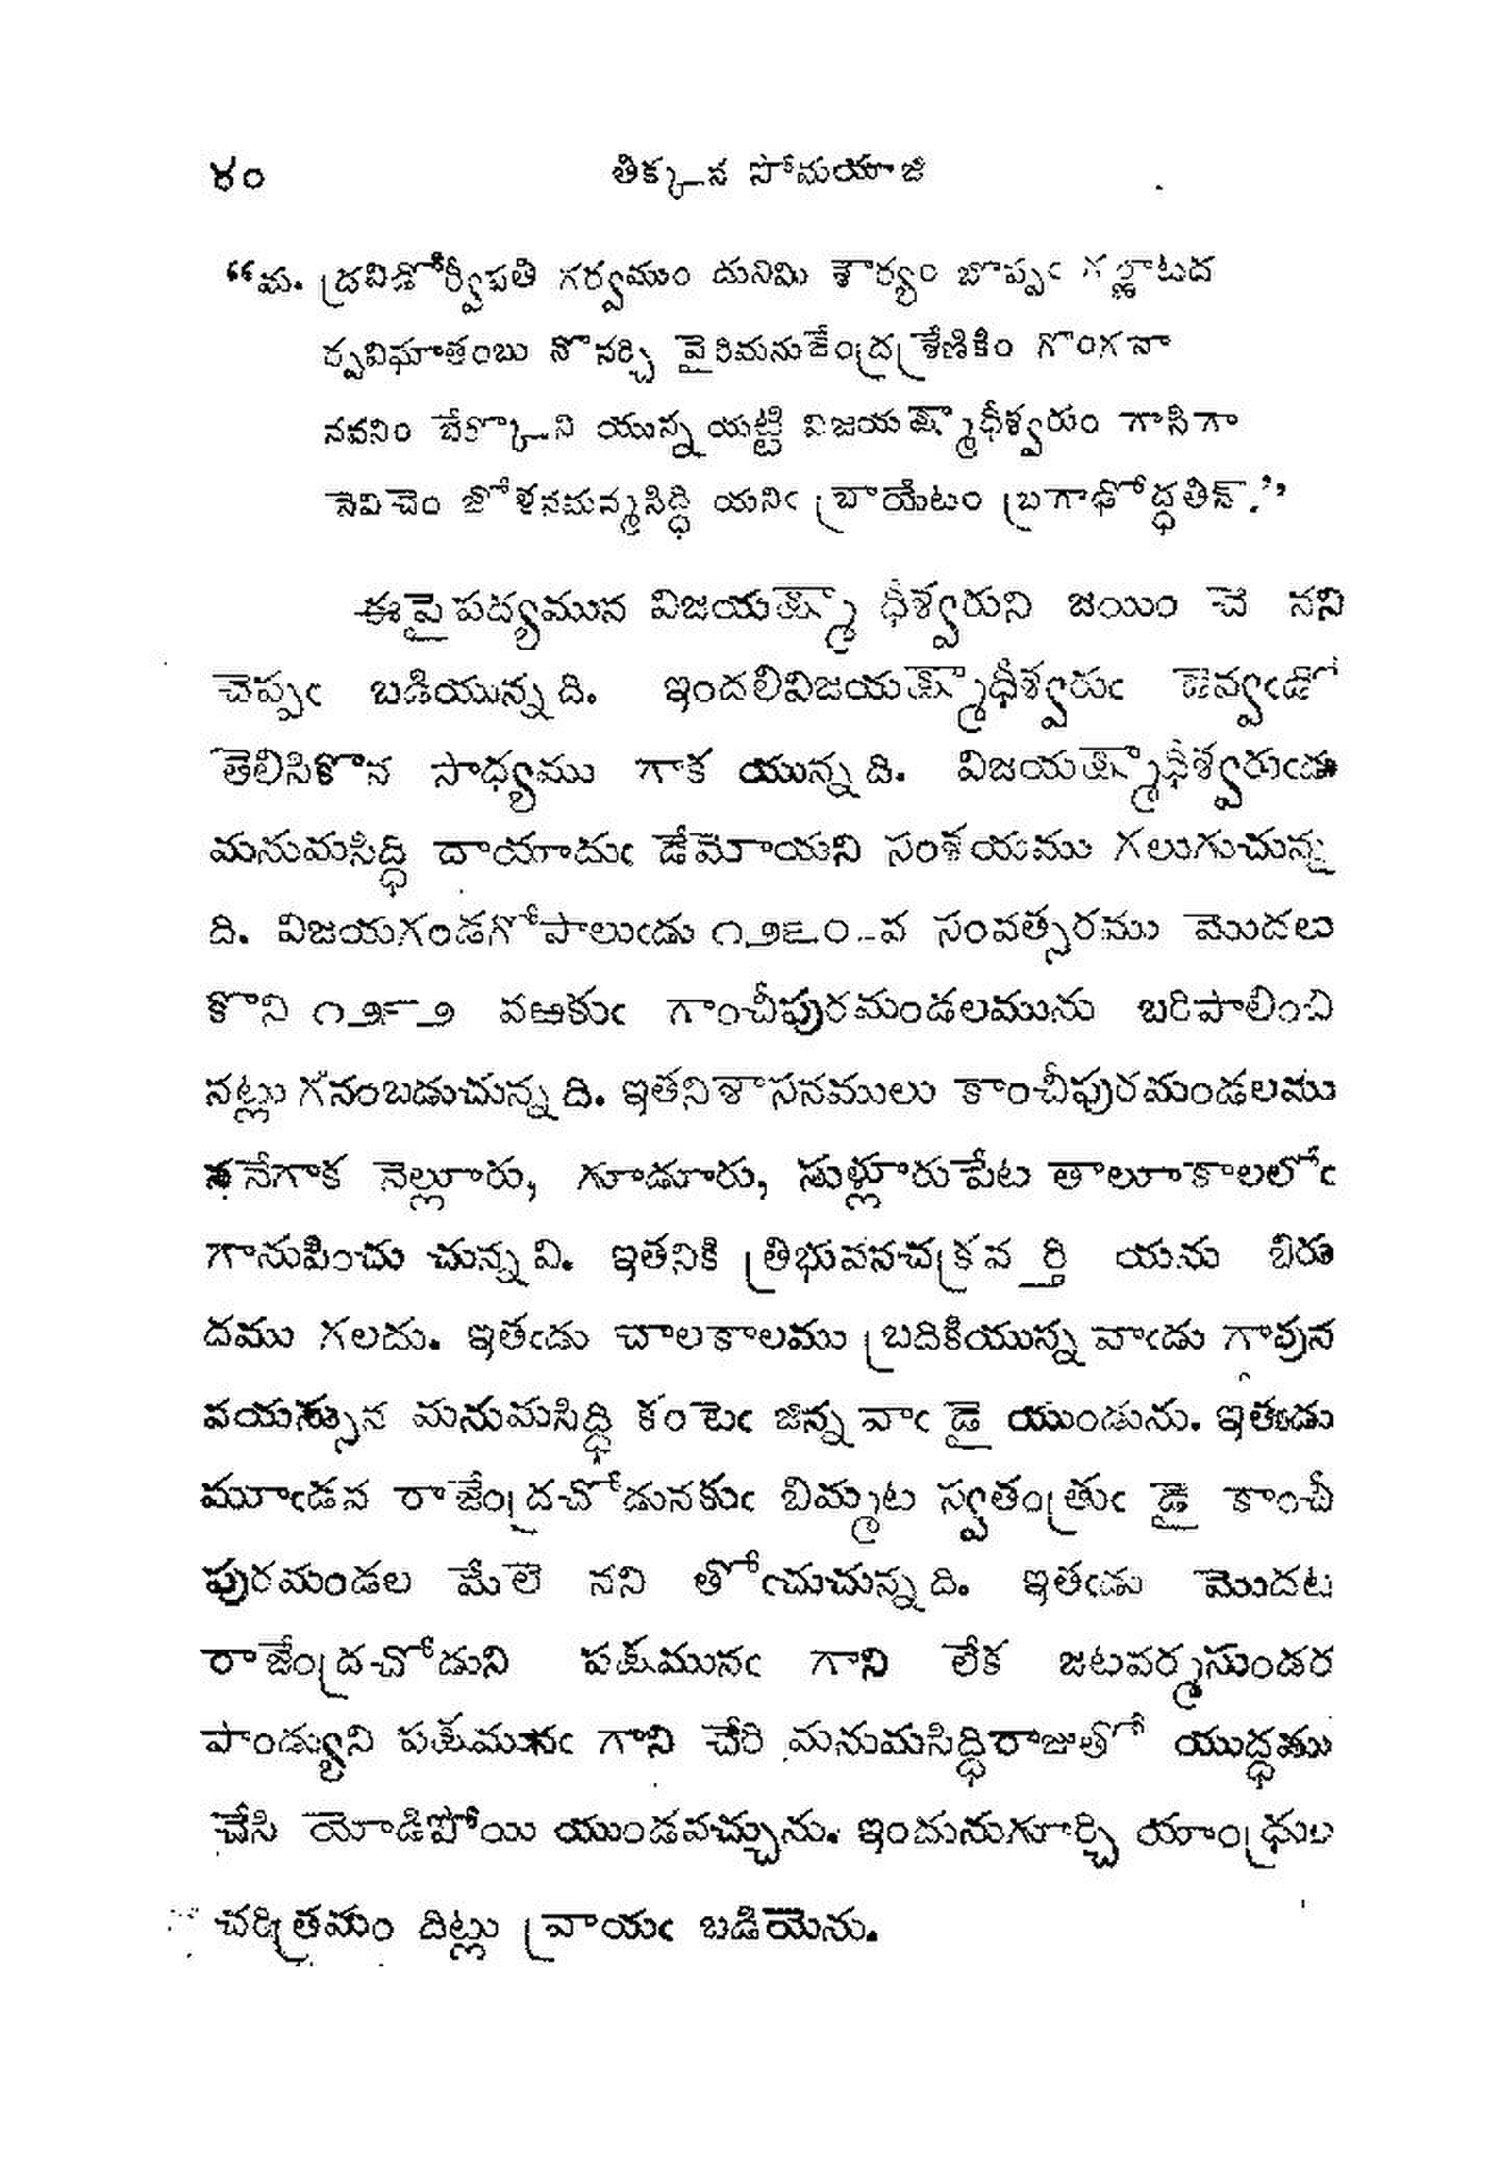"మ. ద్రవిడోర్వీపతి గర్వముం దునిమి, శౌర్యం జొప్పఁ గర్ణాటద 
 ర్పవిఘాతంబు నొనర్చి వైరిమనుజేంద్రశ్రేణికిం గొంగనా 
 నవనిం బేర్కొని యున్నయట్టి విజయక్ష్మాధీశ్వరుం గాసిగా 
 నెవిచెం జోళనమన్మసిద్ధి యనిఁ బ్రాయేటం బ్రగాడోద్ధతిన్."
ఈపైపద్యమున విజయక్ష్మా ధీశ్వరుని జయిం చె నని చెప్పఁ బడియున్నది. ఇందలి విజయక్ష్మాధీశ్వరుఁ డెవ్వఁడో తెలిసికొన సాధ్యము గాక యున్నది. విజయక్ష్మాధీశ్వరుఁడు మనుమసిద్ధి దాయాదుఁ డేమోయని సంశయము గలుగుచున్న ది. విజయగండగోపాలుఁడు 1260 వ సంవత్సరము మొదలుకొని 1292 వఱకుఁ గాంచీపురముండలమును బరిపాలించి నట్లు గనంబడుచున్నది. ఇతనిశాసనములు కాంచీపురమండలముననేగాక నెల్లూరు, గూడూరు, సుళ్లూరుపేట తాలూకాలలోఁ గానుపించు చున్నవి. ఇతనికి త్రిభువనచక్రవర్తి యను బిరుదము గలదు. ఇతఁడు చాలకాలము బ్రదికియున్నవాఁడు గావున వయస్సున మనుమసిద్ధి కంటెఁ జిన్నవాఁడై యుండును. ఇతఁడు మూఁడవ రాజేంద్రచోడునకుఁ బిమ్మట స్వతంత్రుఁ డై కాంచీపురమండల మేలె నని తోఁచుచున్నది. ఇతఁడు మొదట రాజేంద్రచోడుని పక్షమునఁ గాని లేక జటవర్మసుందరపాండ్యుని పక్షమునఁ గాని చేరి మనుమసిద్దిరాజుతో యుద్ధముచేసి యోడిపోయి యుండవచ్చును. ఇందునుగూర్చి యాంధ్రుల చరిత్రమం దిట్లు వ్రాయఁ బడియెను.